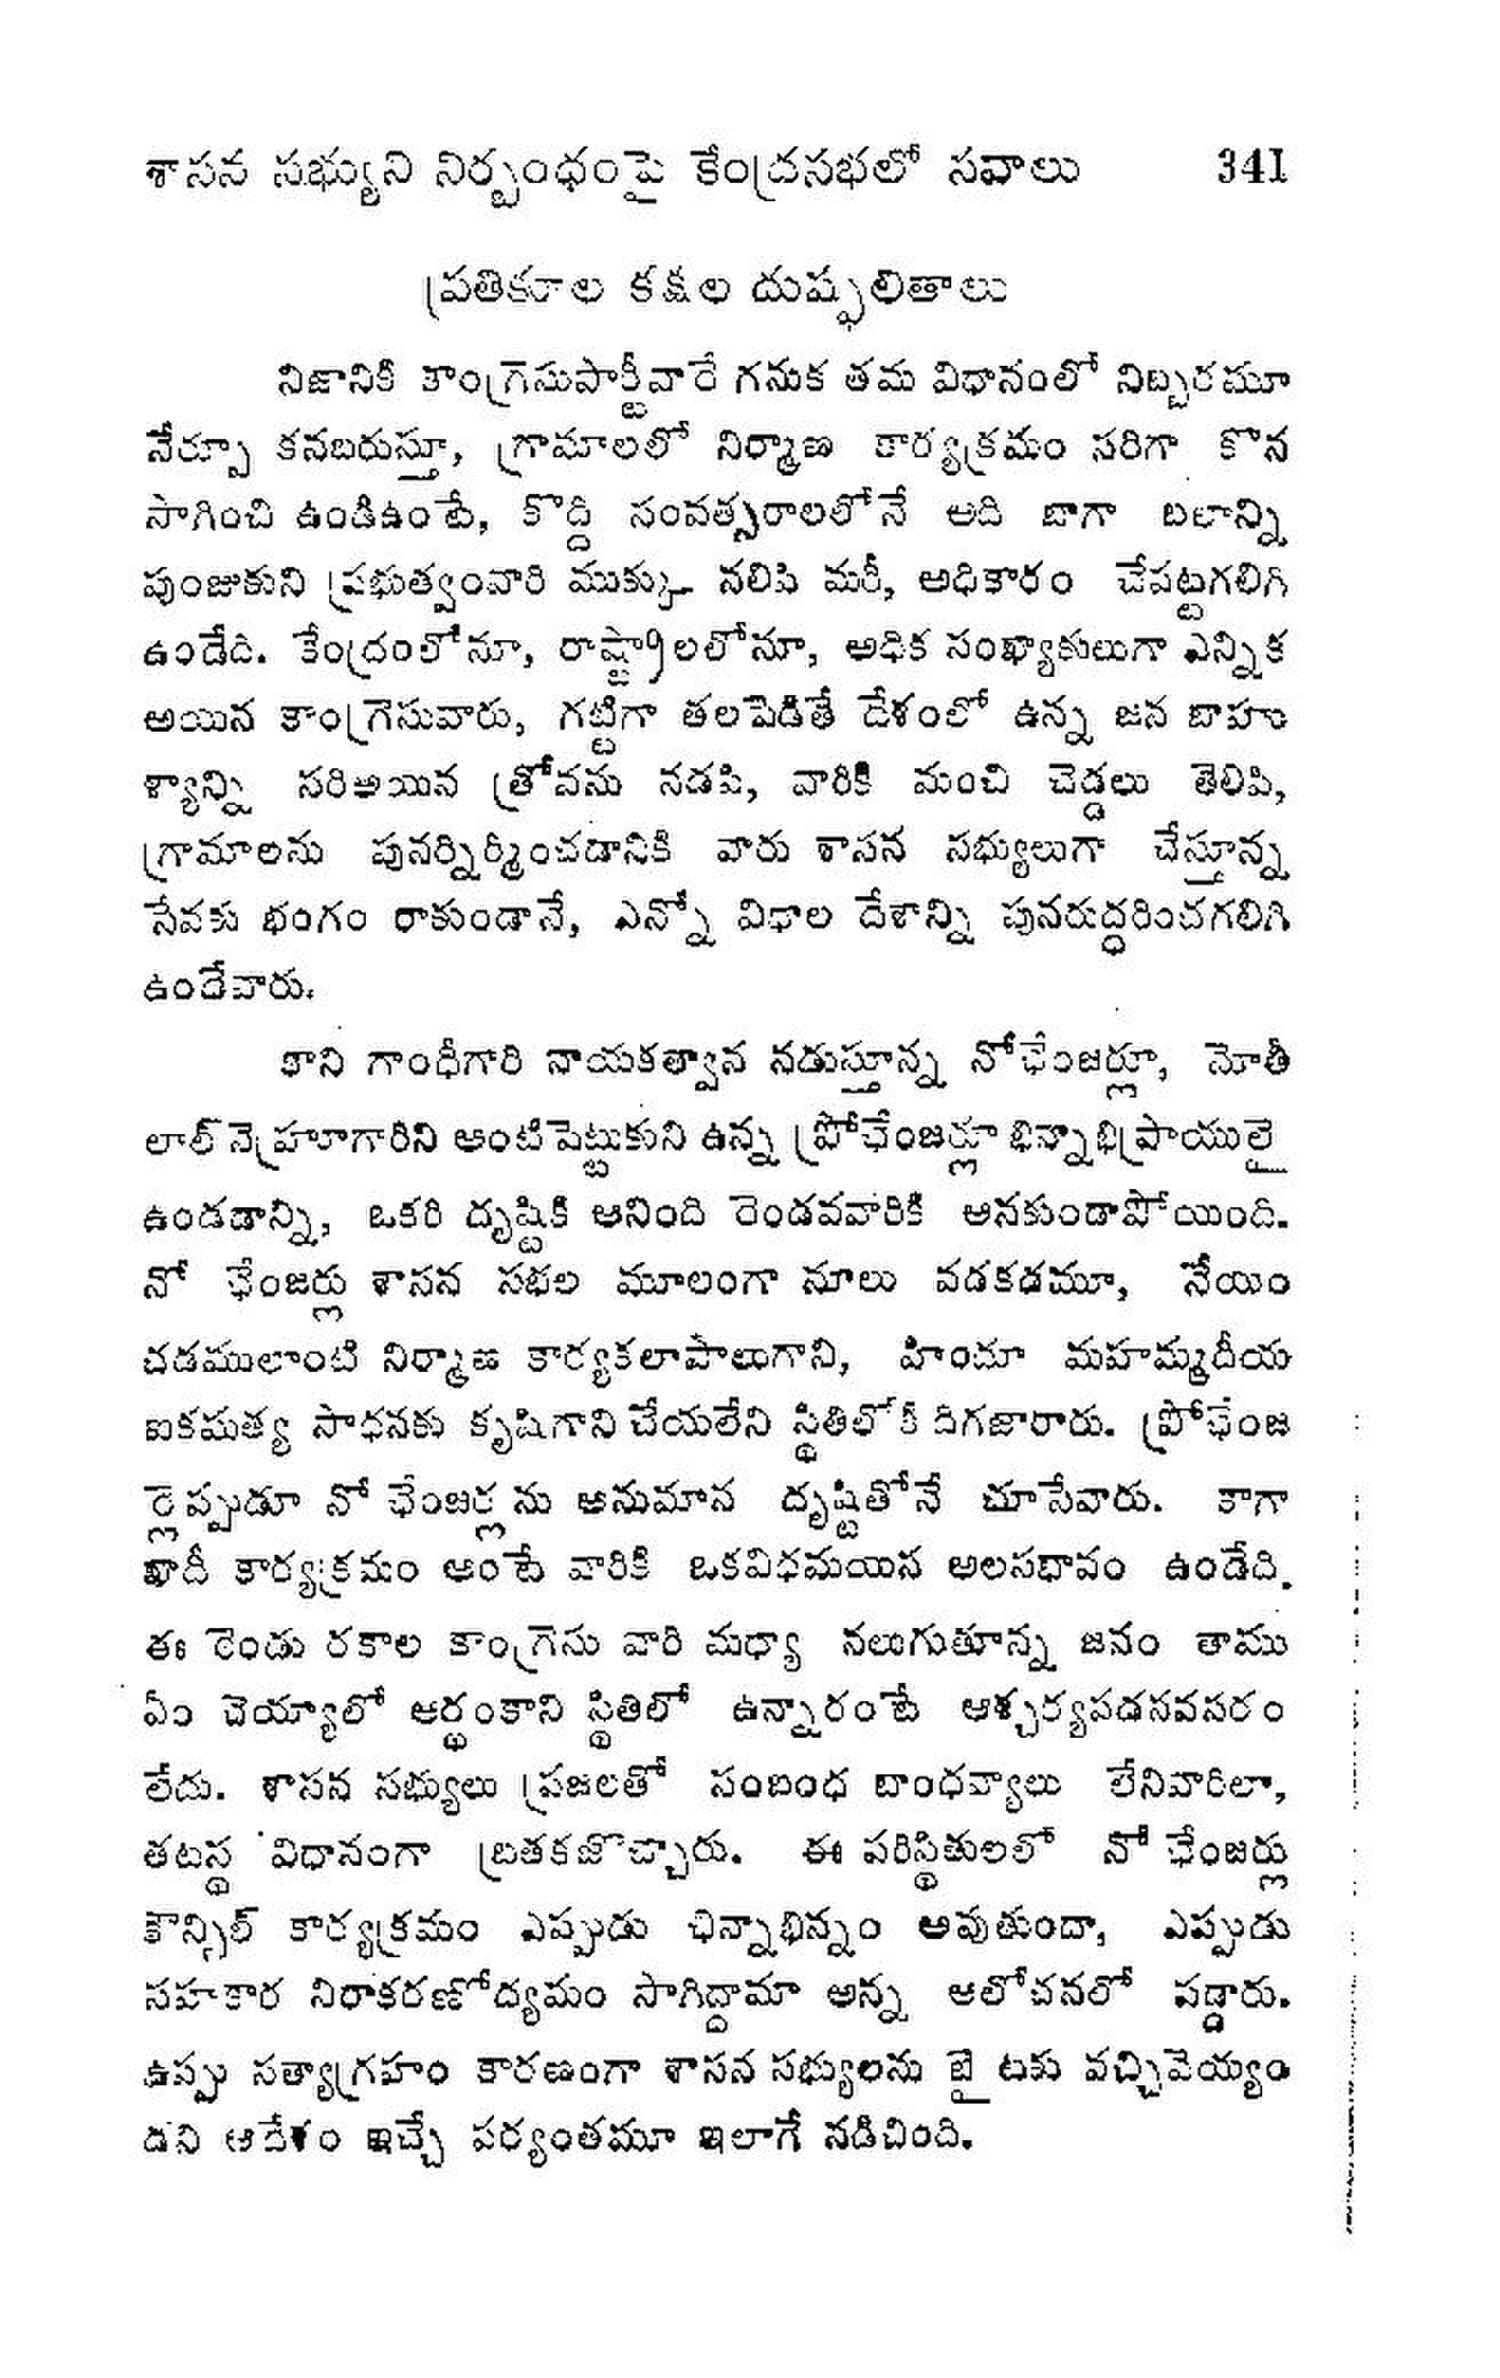నిజానికి కాంగ్రెసుపార్టీవారే గనుక తమ విధానంలో నిబ్బరమూ నేర్పూ కనబరుస్తూ, గ్రామాలలో నిర్మాణ కార్యక్రమం సరిగా కొనసాగించి ఉండిఉంటే, కొద్ది సంవత్సరాలలోనే అది బాగా బలాన్ని పుంజుకుని ప్రభుత్వంవారి ముక్కు నలిపి మరీ, అధికారం చేపట్టగలిగి ఉండేది. కేంద్రంలోనూ, రాష్ట్రాలలోనూ, అధిక సంఖ్యాకులుగా ఎన్నిక అయిన కాంగ్రెసువారు, గట్టిగా తలపెడితే దేశంలో ఉన్న జన బాహుళ్యాన్ని సరిఅయిన త్రోవను నడపి, వారికి మంచి చెడ్డలు తెలిపి, గ్రామాలను పునర్నిర్మించడానికి వారు శాసన సభ్యులుగా చేస్తూన్న సేవకు భంగం రాకుండానే, ఎన్నో విధాల దేశాన్ని పునరుద్ధరించగలిగి ఉండేవారు.

కాని గాంధీగారి నాయకత్వాన నడుస్తూన్న నోఛేంజర్లూ, మోతిలాల్‌నెహ్రూగారిని అంటిపెట్టుకుని ఉన్న ప్రోఛేంజర్లూ భిన్నాభిప్రాయులై ఉండడాన్ని, ఒకరి దృష్టికి ఆనింది రెండవవారికి ఆనకుండా పోయింది. నోఛేంజర్లు శాసన సభల మూలంగా నూలు వడకడమూ, నేయించడములాంటి నిర్మాణ కార్యకలాపాలుగాని, హిందూ మహమ్మదీయ ఐకమత్య సాధనకు కృషిగాని చేయలేని స్థితిలోకి దిగజారారు. ప్రోఛేంజర్లెప్పుడూ నో ఛేంజర్లను అనుమాన దృష్టితోనే చూసేవారు. కాగా ఖాదీ కార్యక్రమం అంటే వారికి ఒకవిధమయిన అలసభావం ఉండేది. ఈ రెండు రకాల కాంగ్రెసు వారి మధ్యా నలుగుతూన్న జనం తాము ఏం చెయ్యాలో అర్థంకాని స్థితిలో ఉన్నారంటే ఆశ్చర్యపడనవసరం లేదు. శాసన సభ్యులు ప్రజలతో సంబంధ బాంధవ్యాలు లేనివారిలా, తటస్థ విధానంగా బ్రతకజొచ్చారు. ఈ పరిస్థితులలో నో ఛేంజర్లు కౌన్సిల్ కార్యక్రమం ఎప్పుడు ఛిన్నాభిన్నం అవుతుందా, ఎప్పుడు సహకార నిరాకరణోద్యమం సాగిద్దామా అన్న ఆలోచనలో పడ్డారు. ఉప్పు సత్యాగ్రహం కారణంగా శాసన సభ్యులను బైటకు వచ్చివెయ్యండని ఆదేశం ఇచ్చే పర్యంతమూ ఇలాగే నడిచింది.